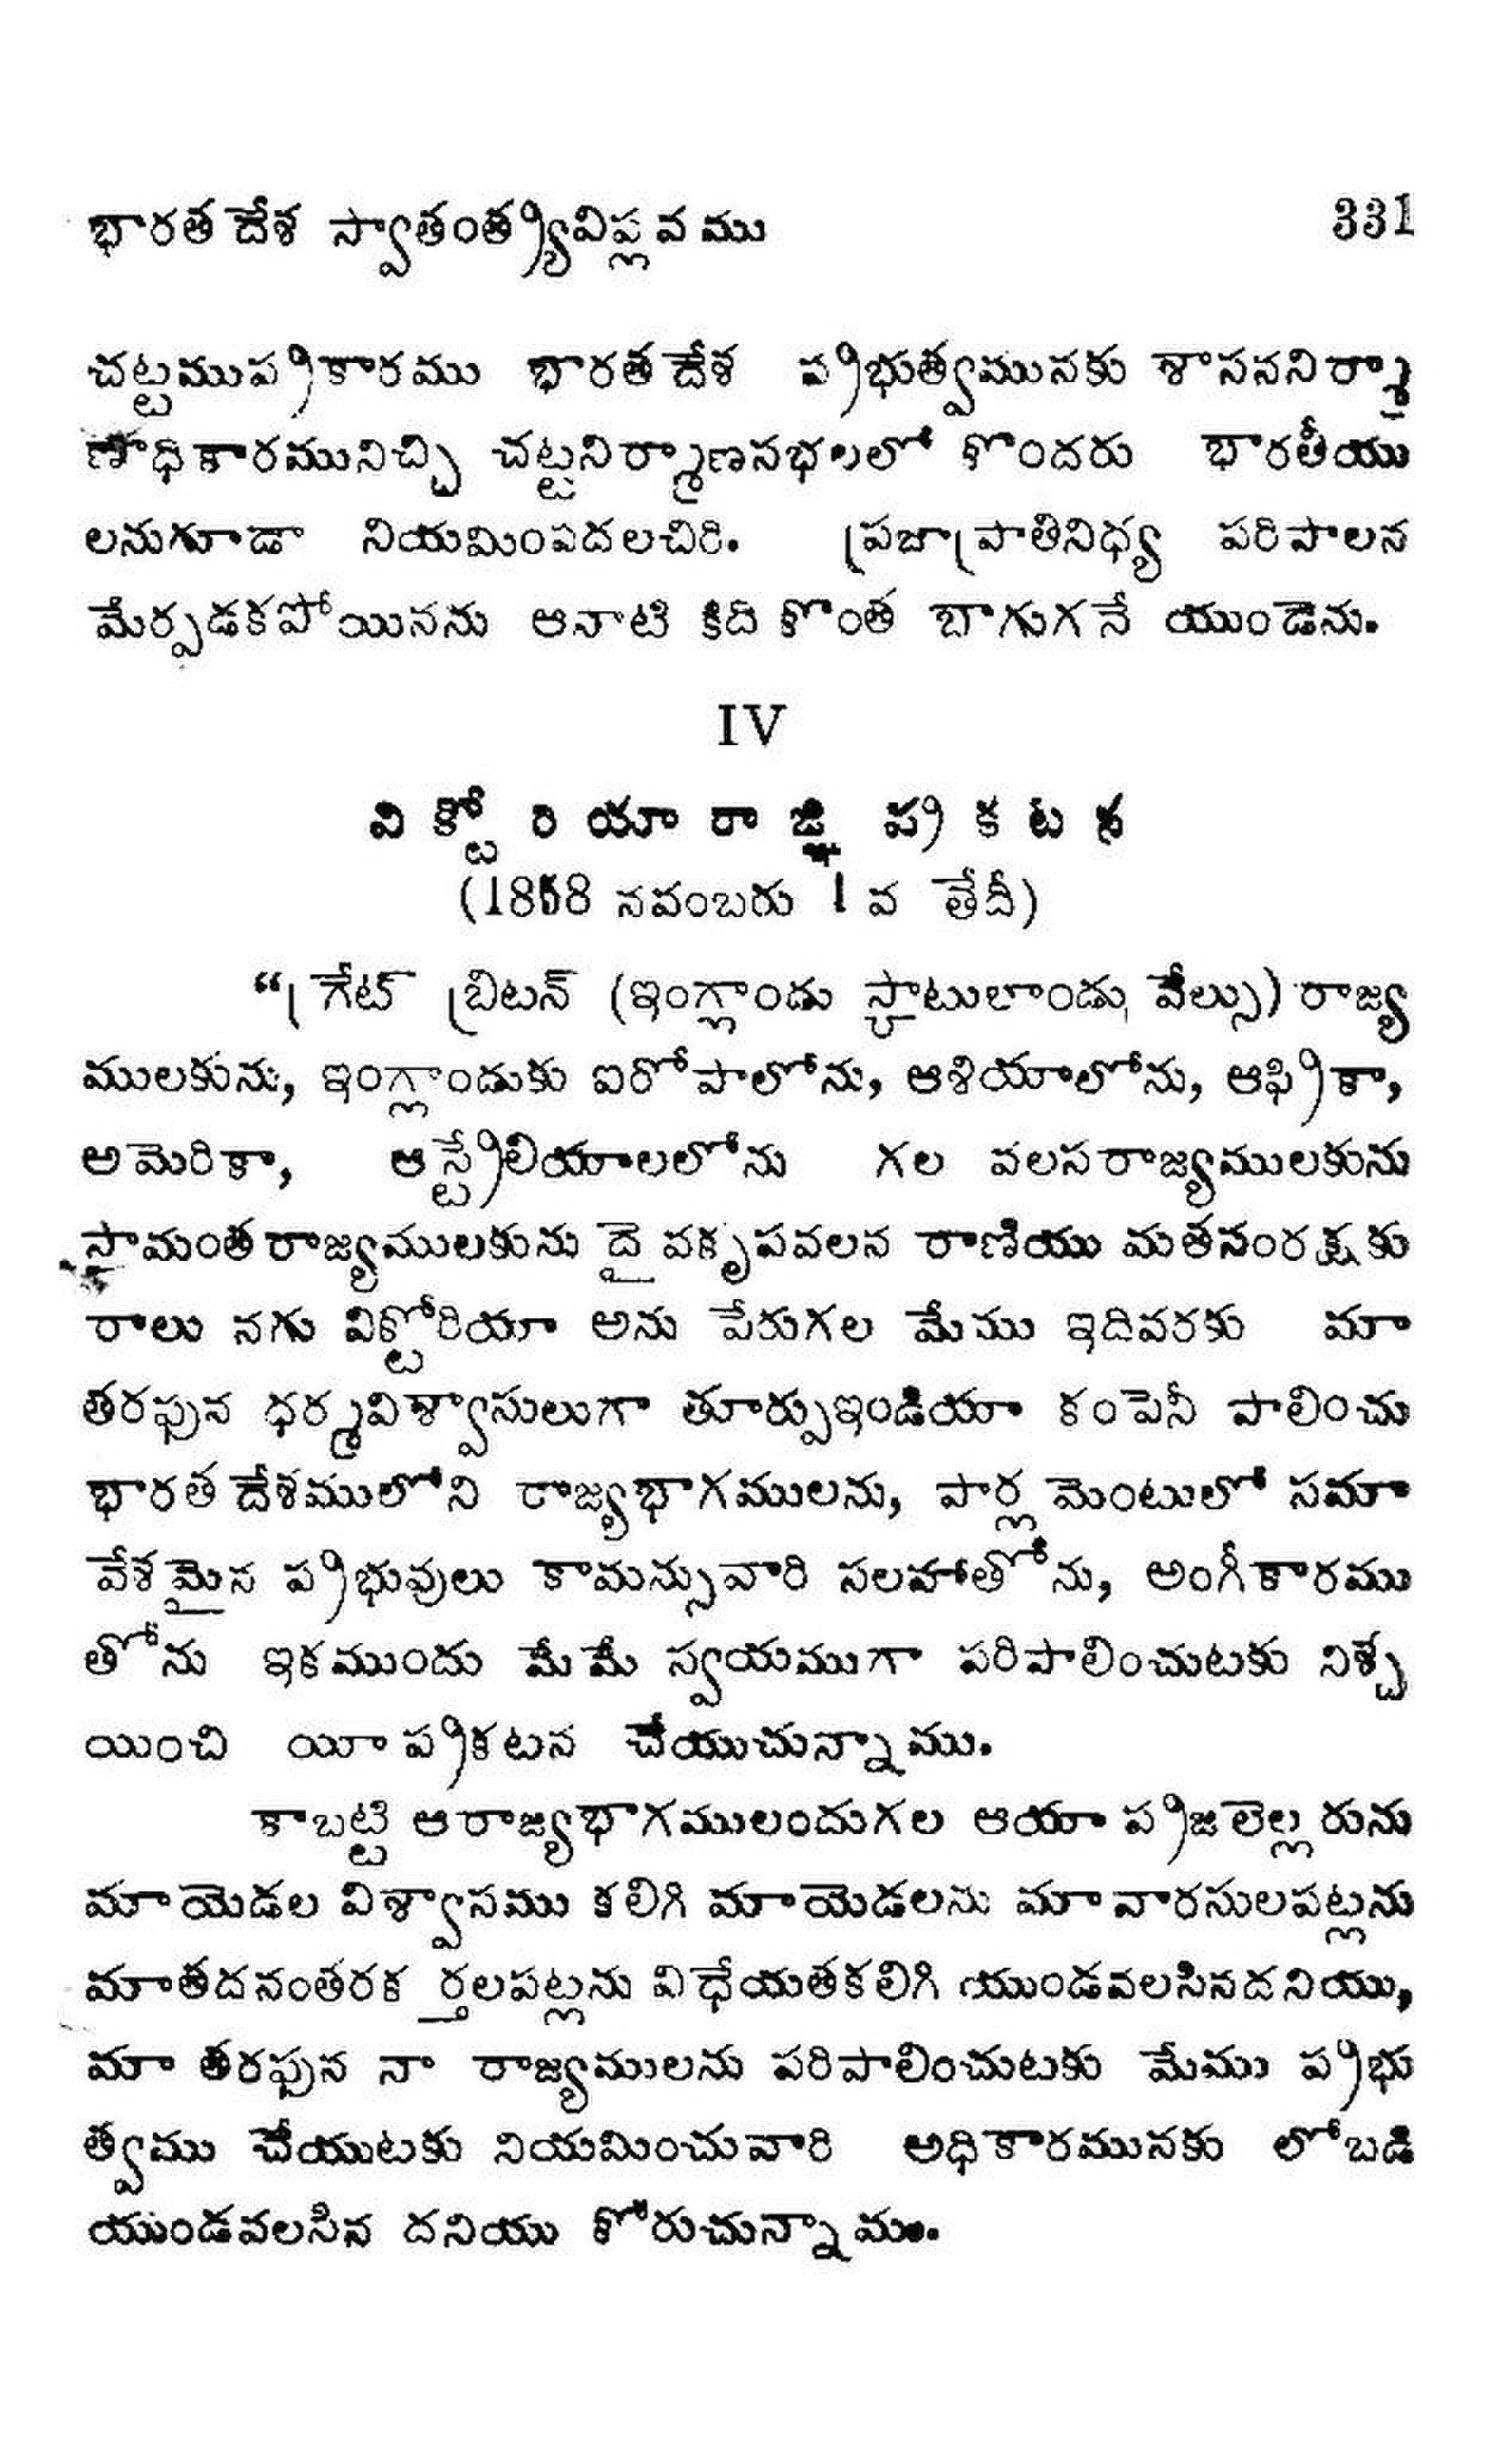చట్టముప్రకారము భారతదేశ ప్రభుత్వమునకు శాసననిర్మాణాధికారమునిచ్చి చట్టనిర్మాణసభలలో కొందరు భారతీయులనుగూడా నియమింపదలచిరి. ప్రజాప్రాతినిధ్య పరిపాలన మేర్పడకపోయినను ఆనాటి కిది కొంత బాగుగనే యుండెను.

IV 
విక్టోరియా రాజ్ఞి ప్రకటన
(1858 నవంబరు 1 వ తేదీ) 

"గ్రేట్ బ్రిటన్ (ఇంగ్లాండు స్కాటులాండు వేల్సు) రాజ్యములకును, ఇంగ్లాండుకు ఐరోపాలోను, ఆశియాలోను, ఆఫ్రికా, అమెరికా, ఆస్ట్రేలియాలలోను గల వలస రాజ్యములకును సామంత రాజ్యములకును దైవకృపవలన రాణియు మతసంరక్షకురాలు నగు విక్టోరియా అను పేరుగల మేము ఇదివరకు మా తరఫున ధర్మవిశ్వాసులుగా తూర్పుఇండియా కంపెనీ పాలించు భారతదేశములోని రాజ్యభాగములను, పార్లమెంటులో సమావేశమైన ప్రభువులు కామన్సువారి సలహాతోను, అంగీకారముతోను ఇకముందు మే మే స్వయముగా పరిపాలించుటకు నిశ్చయించి యీ ప్రకటన చేయుచున్నాము. 

కాబట్టి ఆరాజ్యభాగములందుగల ఆయా ప్రజలెల్లరును మాయెడల విశ్వాసము కలిగి మాయెడలను మావారసులపట్లను మాతదనంతరకర్తలపట్లను విధేయతకలిగి యుండవలసినదనియు, మా తరఫున నా రాజ్యములను పరిపాలించుటకు మేము ప్రభుత్వము చేయుటకు నియమించువారి అధికారమునకు లోబడి యుండవలసిన దనియు కోరుచున్నాము.